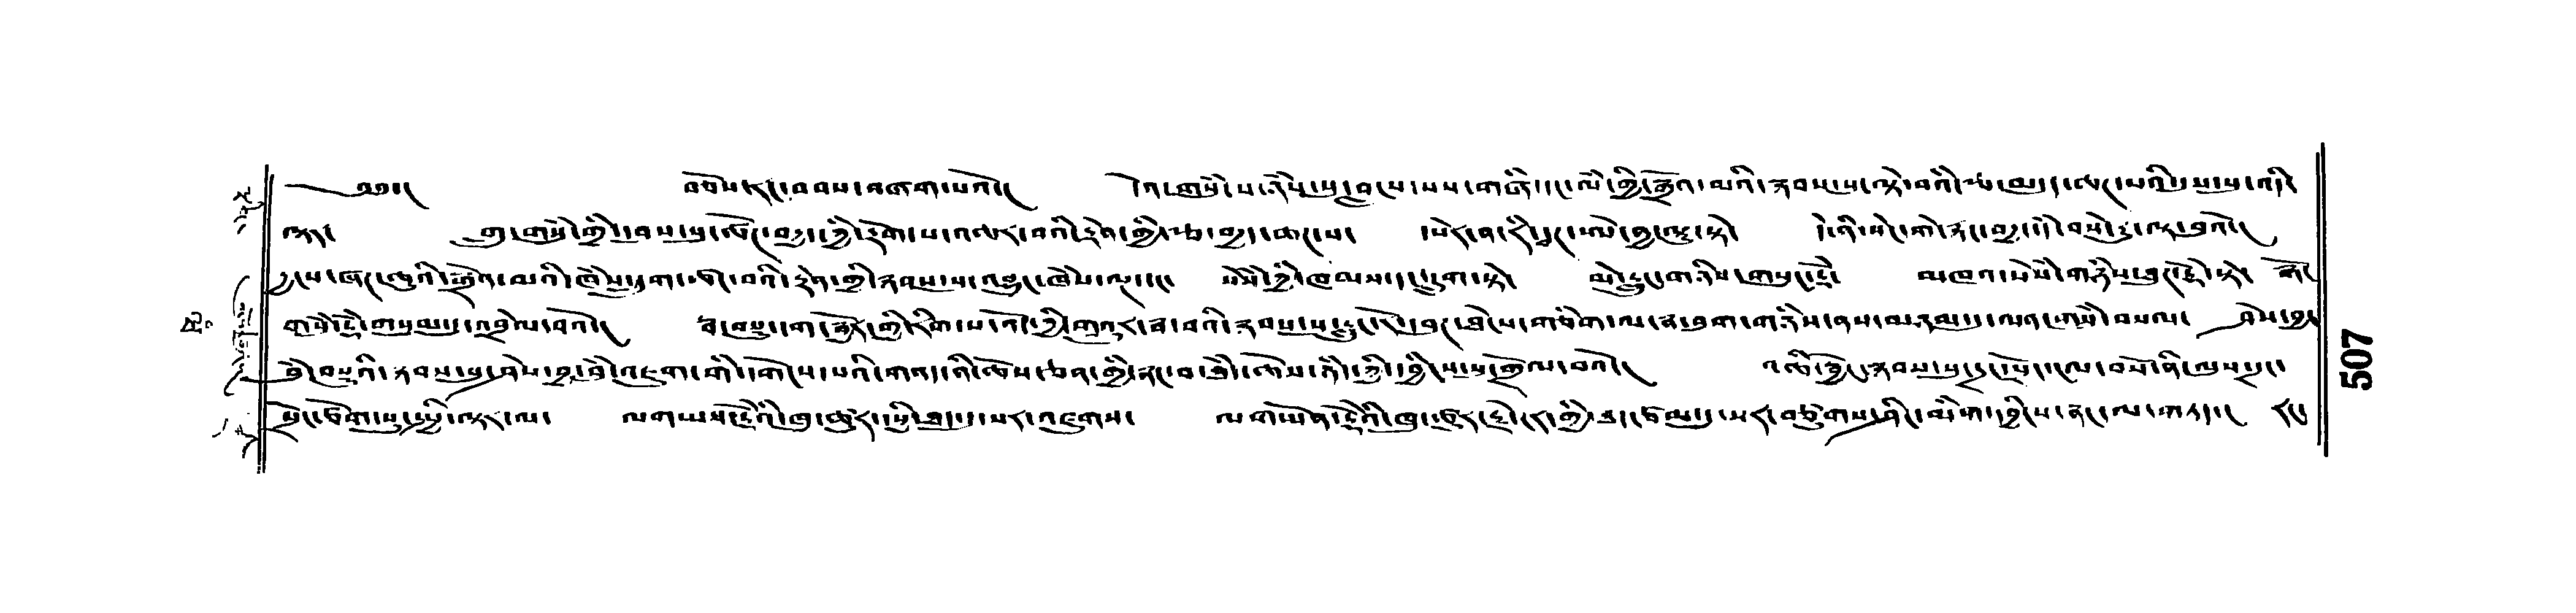བཅོས་རང་བབས་སུ་བཞག་པའོ། དོན་གསུམ་པ་ཉམས་སུ་བླངས་པས་གཞི་དང་ལམ་གྱི་སྒྲོན་མའི་སྐབས་སུ་ལྟེ་བའི་རྩ་མདུད་ཆགས་པའི་དུས་སུ་འདི་
ལྟར། གྲུ་གསུམ་གྱི་དབུས་སུ་ཚོགས་བརྒྱད་ཀྱི་རྟོག་པ་འཆར་བའི་རྟེན་གྱི་རྩ་བརྒྱད་ཆགས་པ། དཔེར་ན་རི་དྭགས་ཨེ་ནྱ་ལྟ་བུ་སྟེ། དེ་ནི་སེང་གེ་རྐང་བརྒྱད་དམ་བསེ་རུ་ལྟ་བུའོ། 
རྒྱང་ཞགས་ཆུའི་སྒྲོན་མའི་ཁམས་དྲུག་ཚང་བའི་རྟེན་གྱི་སྐབས་སུ་འབྱུང་ཁམས་ལྔ་དང་། སེམས་ཀྱིས་ཁམས་དང་དྲུག་སྟེ། མེ་རླུང་གཉིས་གསུང་རྡོ་རྗེ། མཁའ་སེམས་གཉིས་ཐུགས་རྡོ་རྗེ་སྟེ། སྒོ་
གསུམ་རྡོ་རྗེ་གསུམ་དུ་འབྲེལ་བའོ། སྦ་བསྡུ་དག་སྦྱོར་གྱི་རིག་པ་འོད་ཀྱི་གྭའུར་སྦ་བའི་སྐབས་སུ་རླུང་རོ་དབུགས་ཐེངས་གཅིག་ལ་སྣ་བུག་གཉིས་ནས་མཉམ་དུ་ལན་གསུམ་བསལ། ཤེས་བྱ་
བུམ་བསྡུའི་སྐབས་སུ་ཤེས་བྱ་བུམ་འཇུག་གི་དགོངས་པའི་གནད་ནི་ཆོས་ཅན་གྱི་སྣང་བ་ཐམས་ཅད་ཆོས་ཉིད་ཀྱི་དབྱིངས་སུ་གྲོལ་བའོ། འཆི་སྦྱོང་སྐབས་སུ་དྲང་སྲོང་ངལ་བསོ་ནི་ལུས་དྲང་
སྲོང་ཙོག་པུ་སྤྱི་ལྟར་ལ། ལག་གཡས་རྡོ་རྗེའི་ཁུ་ཚུར་དཔྱི་ཐད་དུ་སར་འཛུགས། ལག་གཡོན་རྡོ་རྗེའི་ཁུ་ཚུར་རྗེ་ངར་གྱི་ཐད་ཙམ་དུ་སར་བཙུགས་ཤིང་མིག་དབྱིངས་སྣང་ལ་གཏད། རང་